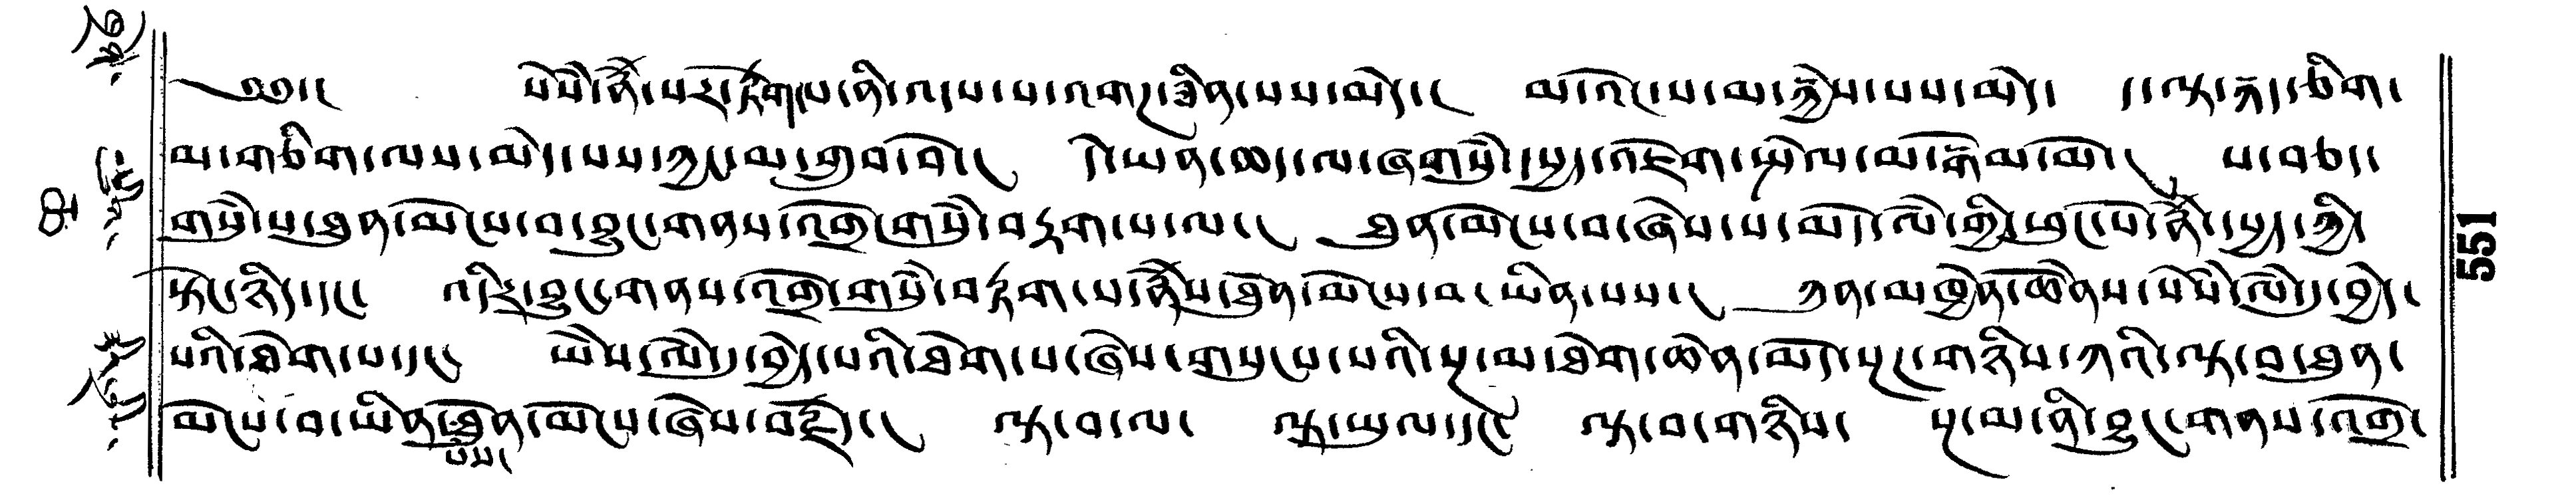སེམས་རྣམ་པར་རྟོག་པ་ནི་འདས་པ་འགགས་ཟིན་པས་མེད། མ་འོངས་པ་མ་སྐྱེས་པས་མེད། ད་ལྟ་སྐད་ཅིག་
མ་གཅིག་ལས་མེད་པས་ཀྱང་མ་གྲུབ་བོ། དེ་ཡན་ཆད་ལ་ཞག་གསུམ་དཔྱད་འཇོག་སྤེལ་མར་སྒོམ་མོ། ས་བཅད་
གསུམ་པ་ཐུན་མོང་བ་འབྱུང་གནས་འགྲོ་གསུམ་བརྟག་པ་ལ། ཐུན་མོང་བ་ཞེས་པ་མདོ་ལམ་གྱི་ཕུང་པོ་རྣམ་དཔྱད་ཀྱི་
སྟོང་ཉིད་དང་། འདིར་འབྱུང་གནས་འགྲོ་གསུམ་བརྟག་པ་རྣམས་ཐུན་མོང་བ་ཡིན་པས། ཀུན་མཁྱེན་ཆེན་པོས་སེམས་ལམ་དུ་བྱེད་
པའི་ཐེག་པ་དང་། ཡེ་ཤེས་ལམ་དུ་བྱེད་པའི་ཐེག་པ་ཞེས་གསུངས་པའི་སྔ་མ་ཐེག་ཆེན་མདོ་སྔགས་གཉིས་ཀའི་ལྟ་བ་ཐུན་
མོང་བ་ཡིན་པས་ཐུན་མོང་ཞེས་བརྗོད། ལྟ་བ་ལ། ལྟ་ཡུལ་དང་། ལྟ་བ་གཉིས། སྔ་མ་ནི་བྱུང་གནས་འགྲོ་